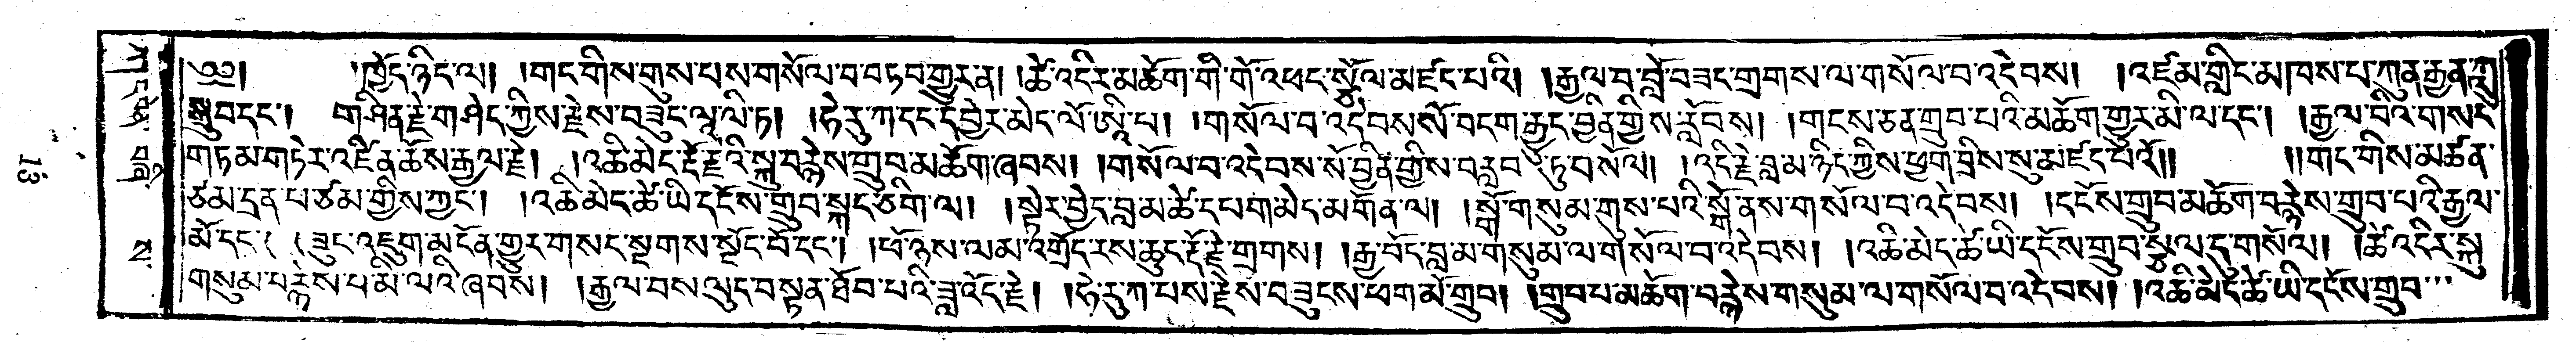༄༅། །ཁྱོད་ཉིད་ལ། །གང་གིས་གུས་པས་གསོལ་བ་བཏབ་གྱུར་ན། །ཚེ་འདིར་མཆོག་གི་གོ་འཕང་སྩོལ་མཛད་པའི། །རྒྱལ་བ་བློ་བཟང་གྲགས་ལ་གསོལ་བ་འདེབས། །འཛམ་གླིང་མཁས་པ་ཀུན་རྒྱན་ཀླུ་
སྒྲུབ་དང་། །གཤིན་རྗེ་གཤེད་ཀྱིས་རྗེས་བཟུང་ལཱ་ལི་ཏ། །ཧེ་རུ་ཀ་དང་དབྱེར་མེད་ལོ་ཨཱི་པ། །གསོལ་བ་འདེབས་སོ་བདག་རྒྱུད་བྱིན་གྱིས་རློབས། །གངས་ཅན་གྲུབ་པའི་མཆོག་གྱུར་མི་ལ་དང་། །རྒྱལ་བའི་གསང་
གཏམ་གཏེར་འཛིན་ཆོས་རྒྱལ་རྗེ། །འཆི་མེད་རྡོ་རྗེའི་སྐུ་བརྙེས་གྲུབ་མཆོག་ཞབས། །གསོལ་བ་འདེབས་སོ་བྱིན་གྱིས་བརླབ་ཏུ་བསོལ། །འདི་རྗེ་བླ་མ་ཉིད་ཀྱིས་ཕྱག་བྲིས་སུ་མཛད་པའོ།། །།གང་གིས་མཚན་
ཙམ་དྲན་པ་ཙམ་གྱིས་ཀྱང་། །འཆི་མེད་ཚེ་ཡི་དངོས་གྲུབ་སྐད་ཅིག་ལ། །སྟེར་བྱེད་བླ་མ་ཚེ་དཔག་མེད་མགོན་ལ། །སྒོ་གསུམ་གུས་པའི་སྒོ་ནས་གསོལ་བ་འདེབས། །དངོས་གྲུབ་མཆོག་བརྙེས་གྲུབ་པའི་རྒྱལ་
མོ་དང༑ ༑ཟུང་འཇུག་མངོན་གྱུར་གསང་སྔགས་སྡོང་བོ་དང་། །ཕོ་ཉས་ལམ་འགྲོད་རས་ཆུང་རྡོ་རྗེ་གྲགས། །རྒྱ་བོད་བླ་མ་གསུམ་ལ་གསོལ་བ་འདེབས། །འཆི་མེད་ཚེ་ཡི་དངོས་གྲུབ་སྩལ་དུ་གསོལ། །ཚེ་འདིར་སྐུ་
གསུམ་བརྙེས་པ་མི་ལའི་ཞབས། །རྒྱལ་བས་ལུང་བསྟན་ཐོབ་པའི་ཟླ་འོད་རྗེ། །ཧེ་རུ་ཀ་པས་རྗེས་བཟུངས་ཕག་མོ་གྲུབ། །གྲུབ་པ་མཆོག་བརྙེས་གསུམ་ལ་གསོལ་བ་འདེབས། །འཆི་མེད་ཚེ་ཡི་དངོས་གྲུབ་